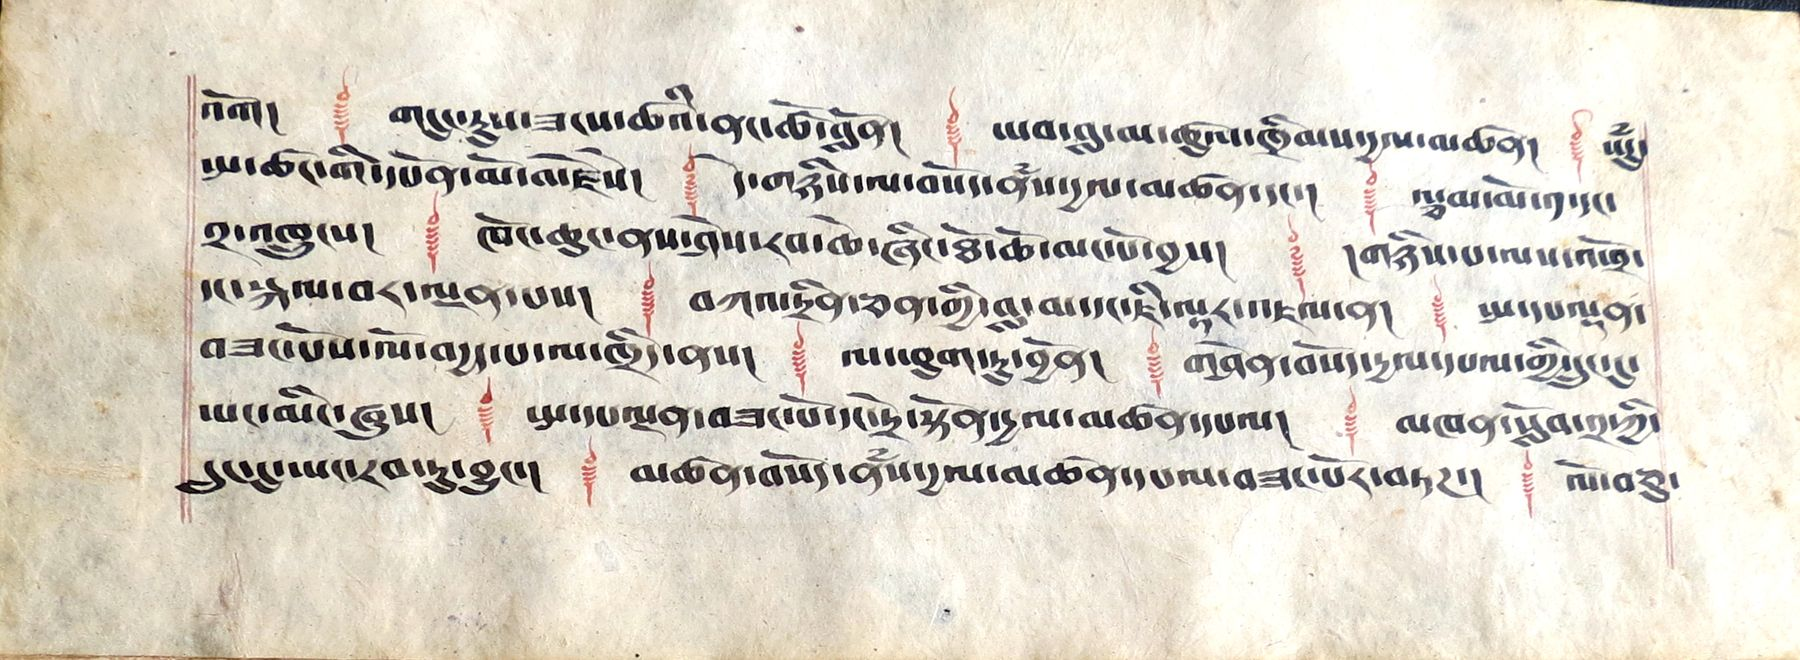འོག། གདུང་རུས་ཟངས་ཚའི་ནང་ཚོ་གླན། ཡབ་བླ་མ་ཚུལ་ཁྲིམས་རྒྱལ་མཚན། ཡུམ་
སྤ་ཚང་གི་དབོན་མོ་མཛེས་སེ། དེ་གཉིས་ལ་སྲས་བསོད་ནམས་རྒྱལ་མཚན་དང་ལྕམ་མོ་གཅིག་དང་
གཉིས་འཁྲུངས། ཁོང་ཆུང་ནས་ཤེས་རབ་ཆེ་ཞིང་ཐོ་ཆོ་མང་པོ་བྱས། གཉིས་པ་ལས་འཕྲོ་
དང་སྐལ་པར་ལྡན་པས། བཀའ་དྲིན་ཅན་གྱི་བླ་མ་དང་ཇི་ལྟར་མཇལ་ན། སྤ་དཔལ་ལྡན་
བཟང་པོས་ལོ་བརྒྱད་པ་ལ་ཁྲིད་ནས་ལ་ཕུག་ཏུ་བྱོན། གཤེན་བསོད་རྒྱལ་དཔལ་གྱི་དྲུང་དུ་
ཡང་ཚུལ་མིང་ཞུས། སྤ་དཔལ་ལྡན་བཟང་པོ་དང་ཏྲེ་སྟོན་རྒྱལ་མཚན་དཔལ། མཁན་སློབ་གཉིས་ཀྱི་
དྲུང་དུ་རབ་ཏུ་བྱུང་། མཚན་བསོད་ནམས་རྒྱལ་མཚན་དཔལ་བཟང་པོ་བཏགས། ལོ་བཅུ་